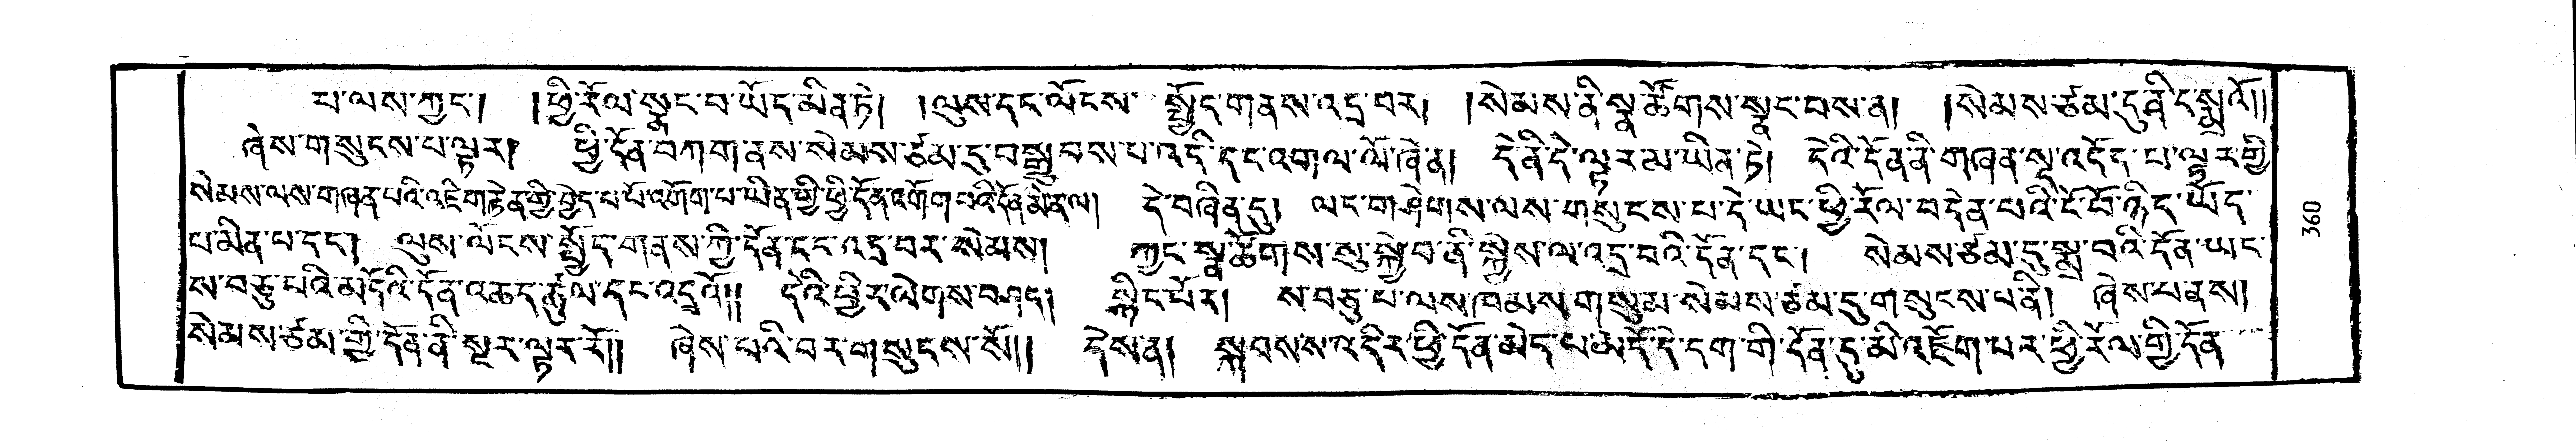པ་ལས་ཀྱང་། །ཕྱི་རོལ་སྣང་བ་ཡོད་མིན་ཏེ། །ལུས་དང་ལོངས་སྤྱོད་གནས་འདྲ་བར། །སེམས་ནི་སྣ་ཚོགས་སྣང་བས་ན། །སེམས་ཙམ་དུ་ནི་ང་སྨྲའོ།།
ཞེས་གསུངས་པ་ལྟར། ཕྱི་དོན་བཀག་ནས་སེམས་ཙམ་དུ་བསྒྲུབས་པ་འདི་དང་འགལ་ལོ་ཞེ་ན། དེ་ནི་དེ་ལྟར་མ་ཡིན་ཏེ། དེའི་དོན་ནི་གཞན་སྔ་འདོད་པ་ལྟར་གྱི་
སེམས་ལས་གཞན་པའི་འཇིག་རྟེན་གྱི་བྱེད་པ་པོ་འགོག་པ་ཡིན་གྱི་ཕྱི་དོན་འགོག་པའི་དོན་མི་ན་ལ། དེ་བཞིན་དུ། ལང་གཤེགས་ལས་གསུངས་པ་དེ་ཡང་ཕྱི་རོལ་བདེན་པའི་ངོ་བོ་ཉིད་ཡོད་
པ་མིན་པ་དང་། ལུས་ལོངས་སྤྱོད་གནས་ཀྱི་དོན་དང་འདྲ་བར་སེམས། ཀྱང་སྣ་ཚོགས་སུ་སྐྱེ་བ་ནི་སྐྱེས་ལ་འདྲ་བའི་དོན་དང་། སེམས་ཙམ་དུ་སྨྲ་བའི་དོན་ཡང་
ས་བཅུ་པའི་མདོའི་དོན་འཆད་ཚུལ་དང་འདྲའོ།། དེའི་ཕྱིར་ལེགས་བཤད། སྙིང་པོར། ས་བཅུ་པ་ལས་ཁམས་གསུམ་སེམས་ཙམ་དུ་གསུངས་པ་ནི། ཞེས་པ་ནས།
སེམས་ཙམ་གྱི་དོན་ནི་སྔར་ལྟར་རོ།། ཞེས་པའི་བར་གསུངས་སོ།། དེས་ན། སྐབས་ས་འདིར་ཕྱི་དོན་མེད་པ་མདོ་དེ་དག་གི་དོན་དུ་མི་འཇོག་པར་ཕྱི་རོལ་གྱི་དོན་